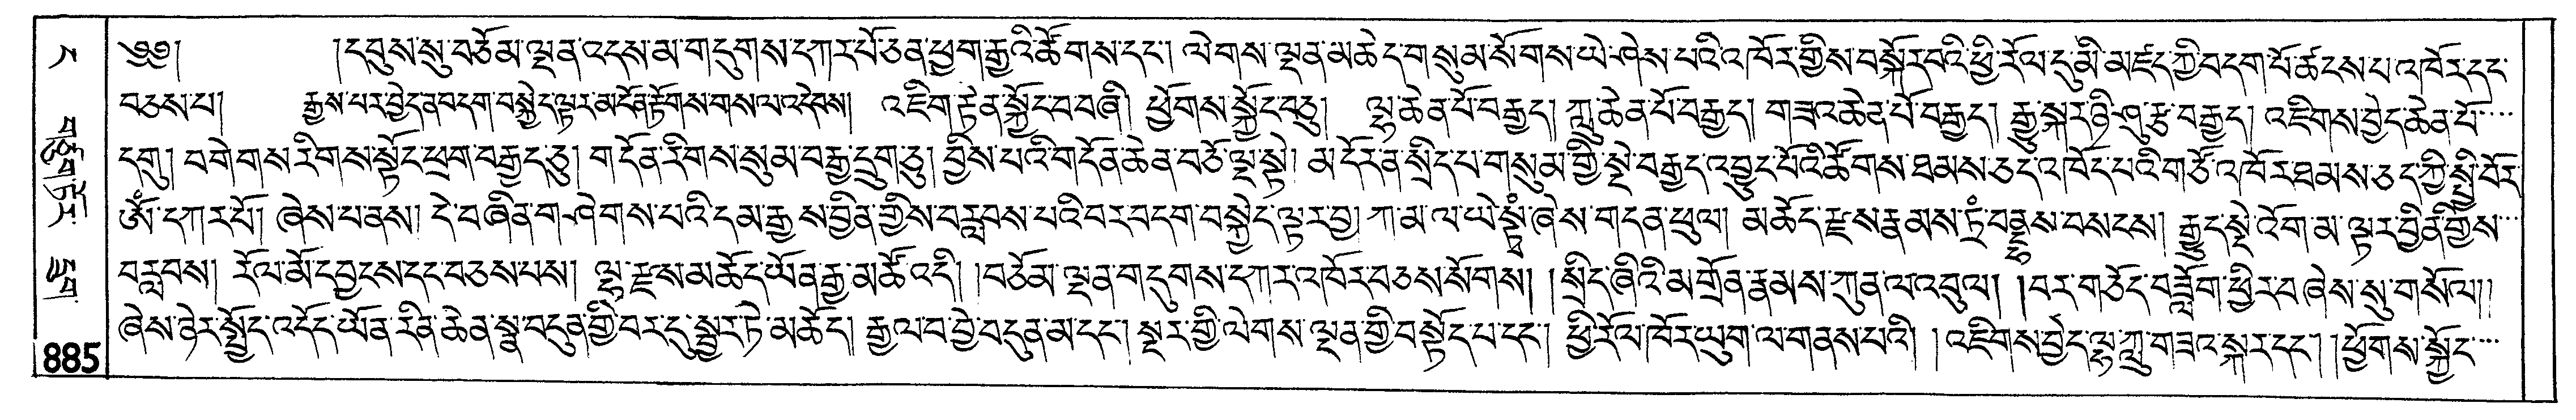༄༅། །དབུས་སུ་བཅོམ་ལྡན་འདས་མ་གདུགས་དཀར་པོ་ཅན་ཕྱག་རྒྱའི་ཚོགས་དང་། ལེགས་ལྡན་མཆེད་གསུམ་སོགས་ཡེ་ཤེས་པའི་འཁོར་གྱིས་བསྐོར་བའི་ཕྱི་རོལ་དུ་མི་མཛད་ཀྱི་བདག་པོ་ཚངས་པ་འཁོར་དང་
བཅས་པ། རྒྱས་པར་བྱེད་ན་བདག་བསྐྱེད་ལྟར་མངོན་རྟོགས་གསལ་འདེབས།  འཇིག་རྟེན་སྐྱོང་བ་བཞི། ཕྱོགས་སྐྱོང་བཅུ། ལྷ་ཆེན་པོ་བརྒྱད། ཀླུ་ཆེན་པོ་བརྒྱད། གཟའ་ཆེན་པོ་བརྒྱད། རྒྱུ་སྐར་ཉི་ཤུ་རྩ་བརྒྱད། འཇིགས་བྱེད་ཆེན་པོ་
དགུ །བགེགས་རིགས་སྟོང་ཕྲག་བརྒྱད་ཅུ། གདོན་རིགས་སུམ་བརྒྱ་དྲུག་ཅུ། བྱིས་པའི་གདོན་ཆེན་བཅོ་ལྔ་སྟེ། མདོར་ན་སྲིད་པ་གསུམ་གྱི་སྡེ་བརྒྱད་འབྱུང་པོའི་ཚོགས་ཐམས་ཅད་འཁོད་པའི་གཙོ་འཁོར་ཐམས་ཅད་ཀྱི་སྤྱི་བོར་
ཨོཾ་དཀར་པོ། ཞེས་པ་ནས། དེ་བཞིན་གཤེགས་པའི་དམ་རྒྱས་བྱིན་གྱིས་བརླབས་པའི་བར་བདག་བསྐྱེད་ལྟར་བྱ། ཀ་མ་ལ་ཡེ་སྟྭཾ་ཞེས་གདན་ཕུལ། མཆོད་རྫས་རྣམས་ཏྲཾ་བནྡྷས་བསངས། རྒྱུད་སྡེ་འོག་མ་ལྟར་བྱིན་གྱིས་
བརླབས། རོལ་མོ་དབྱངས་དང་བཅས་པས། ལྷ་རྫས་མཆོད་ཡོན་རྒྱ་མཚོ་འདི། །བཅོམ་ལྡན་གདུགས་དཀར་འཁོར་བཅས་སོགས། །སྲིད་ཞིའི་མགྲོན་རྣམས་ཀུན་ལ་འབུལ། །བར་གཅོད་བཟློག་ཕྱིར་བཞེས་སུ་གསོལ།།
ཞེས་ཉེར་སྤྱོད་འདོད་ཡོན་རིན་ཆེན་སྣ་བདུན་གྱི་བར་དུ་སྦྱར་ཏེ་མཆོད། རྒྱལ་བ་བྱེ་བདུན་མ་དང་། སྔར་གྱི་ལེགས་ལྡན་གྱི་བསྟོད་པ་དང་། ཕྱི་རོལ་ཁོར་ཡུག་ལ་གནས་པའི། །འཇིགས་བྱེད་ལྷ་ཀླུ་གཟའ་སྐར་དང་། །ཕྱོགས་སྐྱོང་